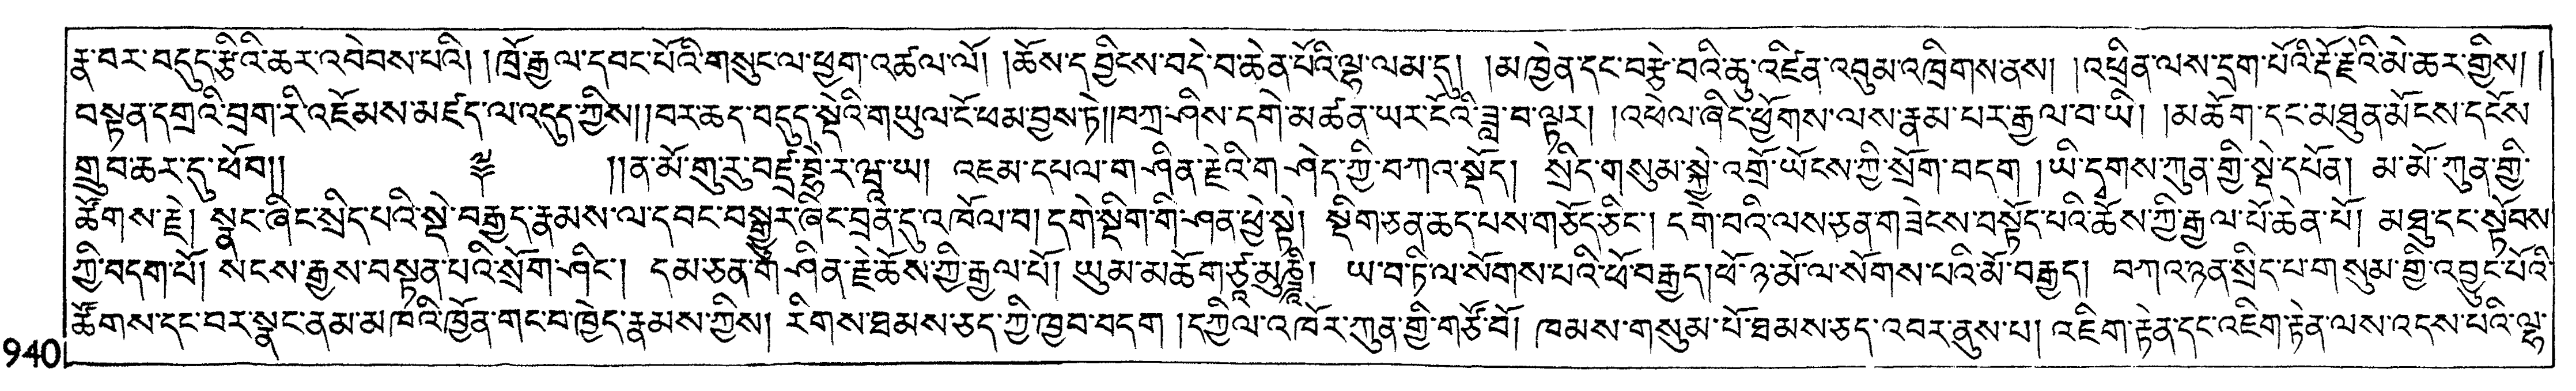རྣ་བར་བདུད་རྩིའི་ཆར་འབེབས་པའི། །ཁྲོ་རྒྱལ་དབང་པོའི་གསུང་ལ་ཕྱག་འཚལ་ལོ། །ཆོས་དབྱིངས་བདེ་བ་ཆེན་པོའི་ལྷ་ལམ་དུ། །མཁྱེན་དང་བརྩེ་བའི་ཆུ་འཛིན་འབུམ་འཁྲིགས་ནས། །འཕྲིན་ལས་དྲག་པོའི་རྡོ་རྗེའི་མེ་ཆར་གྱིས། །
བསྟན་དགྲའི་བྲག་རི་འཇོམས་མཛད་ལ་འདུད་ཀྱིས། །བར་ཆད་བདུད་སྡེའི་གཡུལ་ངོ་ཕམ་བྱས་ཏེ། །བཀྲ་ཤིས་དགེ་མཚན་ཡར་ངོའི་ཟླ་བ་ལྟར། །འཕེལ་ཞིང་ཕྱོགས་ལས་རྣམ་པར་རྒྱལ་བ་ཡི། །མཆོག་དང་མཐུན་མོངས་དངོས་
གྲུབ་ཆར་དུ་ཕོབ།། ༈ །།ན་མོ་གུ་རུ་བཛྲ་བྷཻ་ར་ཝཱ་ཡ། འཇམ་དཔལ་གཤིན་རྗེའི་གཤེད་ཀྱི་བཀའ་སྡོད། སྲིད་གསུམ་སྐྱེ་འགྲོ་ཡོངས་ཀྱི་སྲོག་བདག །ཡི་དྭགས་ཀུན་གྱི་སྡེ་དཔོན། མ་མོ་ཀུན་གྱི་
ཚོགས་རྗེ། སྣང་ཞིང་སྲིད་པའི་སྡེ་བརྒྱད་རྣམས་ལ་དབང་བསྒྱུར་ཞིང་བྲན་དུ་འཁོལ་བ། དགེ་སྡིག་གི་ཤན་ཕྱེ་སྟེ། སྡིག་ཅན་ཆད་པས་གཅོད་ཅིང་། དགེ་བའི་ལས་ཅན་གཟེངས་བསྟོད་པའི་ཆོས་ཀྱི་རྒྱལ་པོ་ཆེན་པོ། མཐུ་དང་སྟོབས་
ཀྱི་བདག་པོ། སངས་རྒྱས་བསྟན་པའི་སྲོག་ཤིང་། དམ་ཅན་གཤིན་རྗེ་ཆོས་ཀྱི་རྒྱལ་པོ། ཡུམ་མཆོག་ཙཱ་མུཎྜཱི། ཡ་བ་ཏི་ལ་སོགས་པའི་ཕོ་བརྒྱད། ཕོ་ཉ་མོ་ལ་སོགས་པའི་མོ་བརྒྱད། བཀའ་ཉན་སྲིད་པ་གསུམ་གྱི་འབྱུང་པོའི་
ཚོགས་དང་བར་སྣང་ནམ་མཁའི་ཁྱོན་གང་བ་ཁྱེད་རྣམས་ཀྱིས། རིགས་ཐམས་ཅད་ཀྱི་ཁྱབ་བདག །དཀྱིལ་འཁོར་ཀུན་གྱི་གཙོ་བོ། ཁམས་གསུམ་པོ་ཐམས་ཅད་འབར་ནུས་པ། འཇིག་རྟེན་དང་འཇིག་རྟེན་ལས་འདས་པའི་ལྷ་